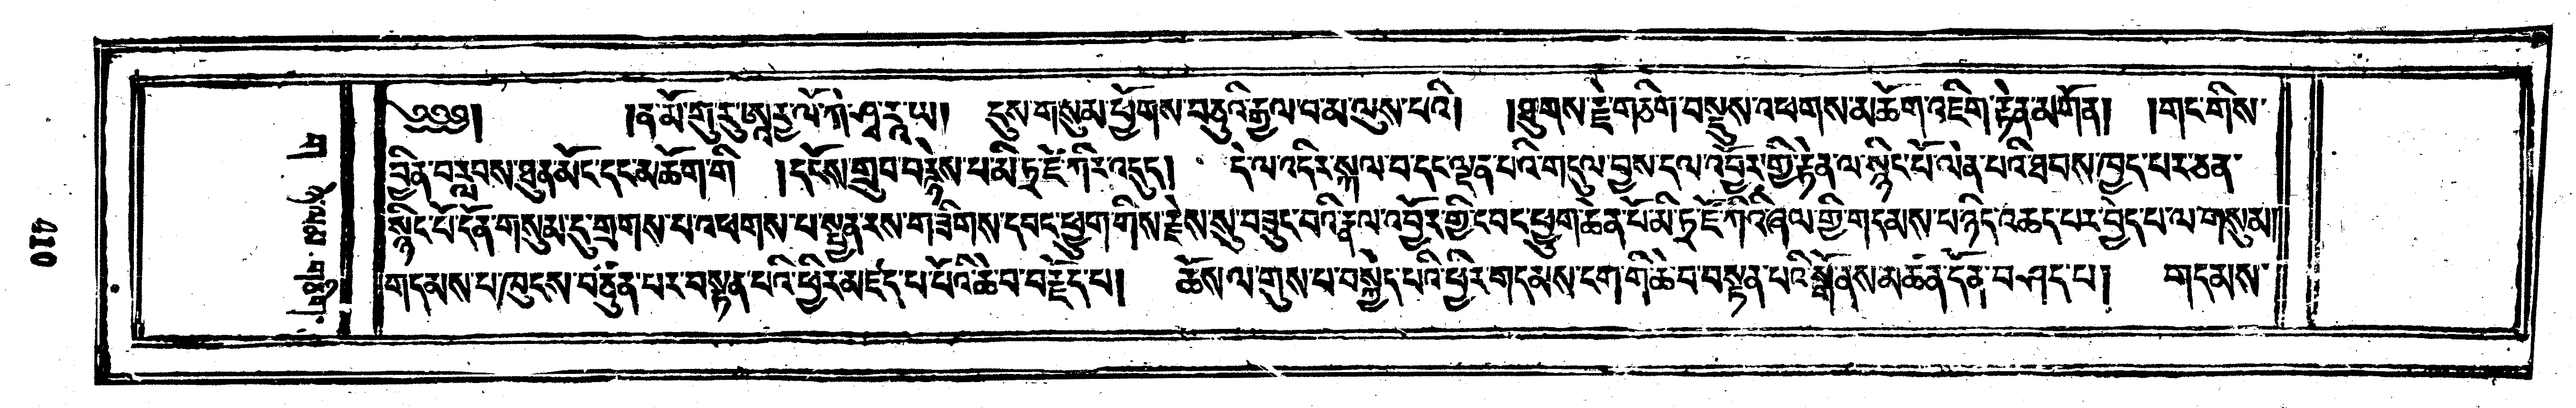༄༅༅། །ན་མོ་གུ་རུ་ཨཱརྱ་ལོ་ཀེ་ཤྭ་རཱ་ཡ། དུས་གསུམ་ཕྱོགས་བཅུའི་རྒྱལ་བ་མ་ལུས་པའི། །ཐུགས་རྗེ་གཅིག་བསྡུས་འཕགས་མཆོག་འཇིག་རྟེན་མགོན། །གང་གིས་
བྱིན་བརླབས་ཐུན་མོང་དང་མཆོག་གི །དངོས་གྲུབ་བརྙེས་པ་མི་ཏྲ་ཛེ་ཀིར་འདུད། དེ་ལ་འདིར་སྐལ་བ་དང་ལྡན་པའི་གདུལ་བྱས་དལ་འབྱོར་གྱི་རྟེན་ལ་སྙིང་པོ་ལེན་པའི་ཐབས་ཁྱད་པར་ཅན་
སྙིང་པོ་དོན་གསུམ་དུ་གྲགས་པ་འཕགས་པ་སྤྱན་རས་གཟིགས་དབང་ཕྱུག་གིས་རྗེས་སུ་བཟུང་བའི་རྣལ་འབྱོར་གྱི་དབང་ཕྱུག་ཆེན་པོ་མི་ཏྲ་ཛོ་ཀིའི་ཞལ་གྱི་གདམས་པ་ཉིད་འཆད་པར་བྱེད་པ་ལ་གསུམ།
གདམས་པ་ཁུངས་བཙུན་པར་བསྟན་པའི་ཕྱིར་མཛད་པ་པོའི་ཆེ་བ་བརྗོད་པ། ཆོས་ལ་གུས་པ་བསྐྱེད་པའ་ཕྱིར་གདམས་ངག་གི་ཆེ་བ་བསྟན་པའི་སྒོ་ནས་མཚན་དོན་བཤད་པ། གདམ་